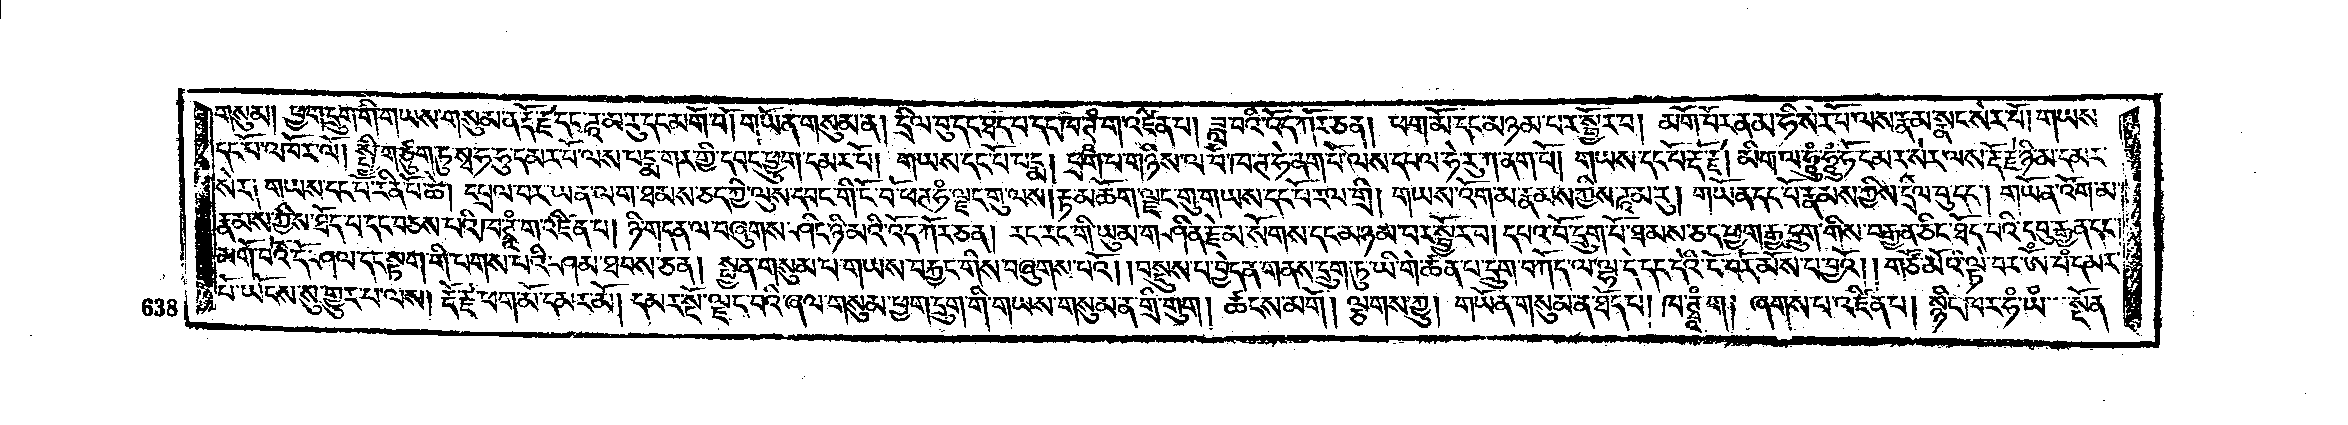གསུམ། ཕྱག་དྲུག་གི་གཡས་གསུམ་ན་རྡོ་རྗེ་དང་ཌཱ་མ་རུ་དང་མགོ་བོ། གཡོན་གསུམ་ན། དྲིལ་བུ་དང་ཐོད་པ་དང་ཁ་ཊྭཱཾ་ག་འཛིན་པ། ཟླ་བའི་འོད་ཀོར་ཅན། ཕག་མོ་དང་མཉམ་པར་སྦྱོར་བ། མགོ་བོར་ན་མ་ཧི་སེར་པོ་ལས་རྣམ་སྣང་སེར་པོ། གཡས་
དང་པོ་འཁོར་ལོ། སྤྱི་གཙུག་ཏུ་སྭ་ཧ་ཧུ་དམར་པོ་ལས་པདམ་གར་གྱི་དབང་ཕྱུག་དམར་པོ། གཡས་དང་པོ་པདམ། ཕྲག་པ་གཉིས་པ་བོ་ཁ་ཊ་ཧེ་ནག་པོ་ལས་དཔལ་ཧེ་རུ་ཀ་ནག་པོ། གཡས་དང་པོ་རྡོ་རྗེ། མིག་ལ་ཧཱུཾ་ཧཱུཾ་ཧོ་དམར་སེར་ལས་རྡོ་རྗེ་ཉི་མ་དམར་
སེར། གཡས་དང་པོ་རིན་པོ་ཆེ། དཔྲལ་བར་ཡན་ལག་ཐམས་ཅད་ཀྱི་ལུས་དབང་གི་ངོ་བོ་ཕཊ་ཧཾ་ལྗང་གུ་ལས། རྟ་མཆོག་ལྗང་གུ་གཡས་དང་པོ་རལ་གྲི། གཡས་འོག་མ་རྣམས་ཀྱིས་ཌཱ་མ་རུ། གཡོན་དང་པོ་རྣམས་ཀྱིས་དྲིལ་བུ་དང་། གཡོན་འོག་མ་
རྣམས་ཀྱིས་ཐོད་པ་དང་བཅས་པའི་ཁ་ཊྭཱཾ་ག་འཛིན་པ། ཉི་གདན་ལ་བཞུགས་ཤིང་ཉི་མའི་འོད་ཀོར་ཅན། རང་རང་གི་ཡུམ་གཤིན་རྗེ་མ་སོགས་དང་མཉམ་པར་སྦྱོར་བ། དཔའ་བོ་དྲུག་པོ་ཐམས་ཅད་ཕྱག་རྒྱ་དྲུག་གིས་བརྒྱན་ཅིང་ཐོད་པའི་དབུ་རྒྱན་དང་།
མགོ་བོའི་དོ་ཤལ་དང་སྟག་གི་པགས་པའི་ཤམ་ཐབས་ཅན། སྤྱན་གསུམ་པ་གཡས་བརྐྱང་གིས་བཞུགས་པའོ། །བསྡུས་པ་བྱེད་ན་གནས་དྲུག་ཏུ་ཡི་གེ་ཚན་པ་དྲུག་བཀོད་ལ་ལྷ་དེ་དང་དེའི་ངོ་བོར་མོས་པ་བྱའོ། །གཙོ་མོའི་ལྟེ་བར་ཨོཾ་བཾ་དམར་
པོ་ཡོངས་སུ་གྱུར་པ་ལས། རྡོ་རྗེ་ཕག་མོ་དམར་མོ། དམར་སྔོ་ལྗང་བའི་ཞལ་གསུམ་ཕྱག་དྲུག་གི་གཡས་གསུམ་ན་གྲི་གུག །ཚངས་མགོ །ལྕགས་ཀྱུ། གཡོན་གསུམ་ན་ཐོད་པ། ཁ་ཊྭཱཾ་ག །ཞགས་པ་འཛིན་པ། སྙིང་ཁར་ཧཾ་ཡཾ་སྔོན་